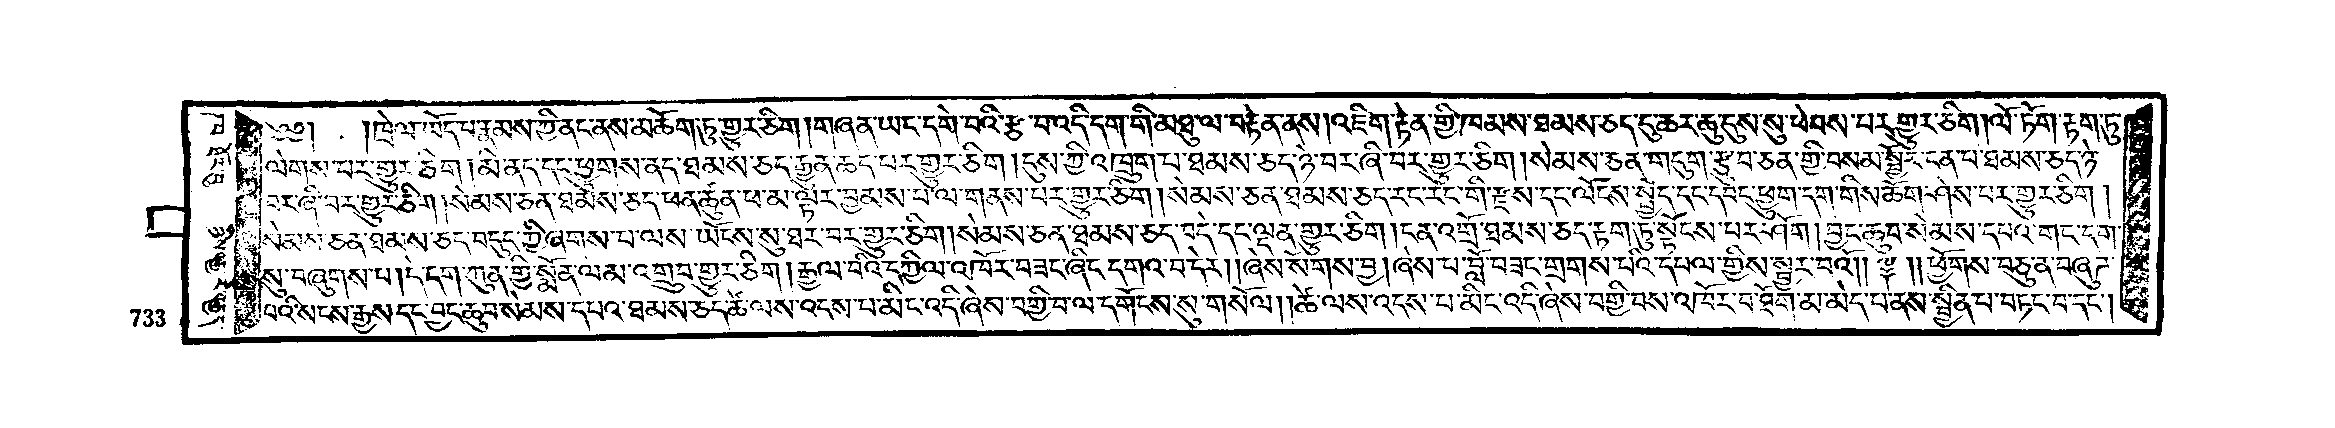༄༅། །ཁྲེལ་ཡོད་པ་རྣམས་ཀྱི་ནང་ནས་མཆོག་ཏུ་གྱུར་ཅིག །གཞན་ཡང་དགེ་བའི་རྩ་བ་འདི་དག་གི་མཐུ་ལ་བརྟེན་ནས། འཇིག་རྟེན་གྱི་ཁམས་ཐམས་ཅད་དུ་ཆང་ཆུ་དུས་སུ་ཕེབས་པར་གྱུར་ཅིག །ལོ་ཏོག་རྟག་ཏུ་
ལེགས་པར་གྱུར་ཅིག །མི་ནད་དང་ཕྱུགས་ནད་ཐམས་ཅད་རྒྱུན་ཆད་པར་གྱུར་ཅིག །དུས་ཀྱི་འཁྲུག་པ་ཐམས་ཅད་ཉེ་བར་ཞི་བར་གྱུར་ཅིག །སེམས་ཅན་གདུག་རྩུབ་ཅན་གྱི་བསམ་སྦྱོར་ངན་པ་ཐམས་ཅད་ཉེ་
བར་ཞི་བར་གྱུར་ཅིག །སེམས་ཅན་ཐམས་ཅད་ཕན་ཚུན་ཕ་མ་ལྟར་བྱམས་པ་ལ་གནས་པར་གྱུར་ཅིག །སེམས་ཅན་ཐམས་ཅད་རང་རང་གི་རྫས་དང་ལོངས་སྤྱོད་དང་དབང་ཕྱུག་དག་གིས་ཆོག་ཤེས་པར་གྱུར་ཅིག །
སེམས་ཅན་ཐམས་ཅད་བདུད་ཀྱི་ཞགས་པ་ལས་ཡོངས་སུ་ཐར་བར་གྱུར་ཅིག །སེམས་ཅན་ཐམས་ཅད་བདེ་དང་ལྡན་གྱུར་ཅིག །ངན་འགྲོ་ཐམས་ཅད་རྟག་ཏུ་སྟོངས་པར་ཤོག །བྱང་ཆུབ་སེམས་དཔའ་གང་དག་
སུ་བཞུགས་པ། དེ་དག་ཀུན་གྱི་སྨོན་ལམ་འགྲུབ་གྱུར་ཅིག །རྒྱལ་བའི་དཀྱིལ་འཁོར་བཟང་ཞིང་དགའ་བ་དེར། །ཞེས་སོགས་བྱ། ཞེས་པ་བློ་བཟང་གྲགས་པའི་དཔལ་གྱིས་སྦྱར་བའོ།།
༈ །།ཕྱོགས་བཅུ་ན་བཞུགས་
པའི་སངས་རྒྱས་དང་བྱང་ཆུབ་སེམས་དཔའ་ཐམས་ཅད་ཚེ་ལས་འདས་པ་མིང་འདི་ཞེས་བགྱི་བ་ལ་དགོངས་སུ་གསོལ། །ཚེ་ལས་འདས་པ་མིང་འདི་ཞེས་བགྱི་བས་འཁོར་བ་ཐོག་མ་མེད་པ་ནས་སྦྱིན་པ་བཏང་བ་དང་།